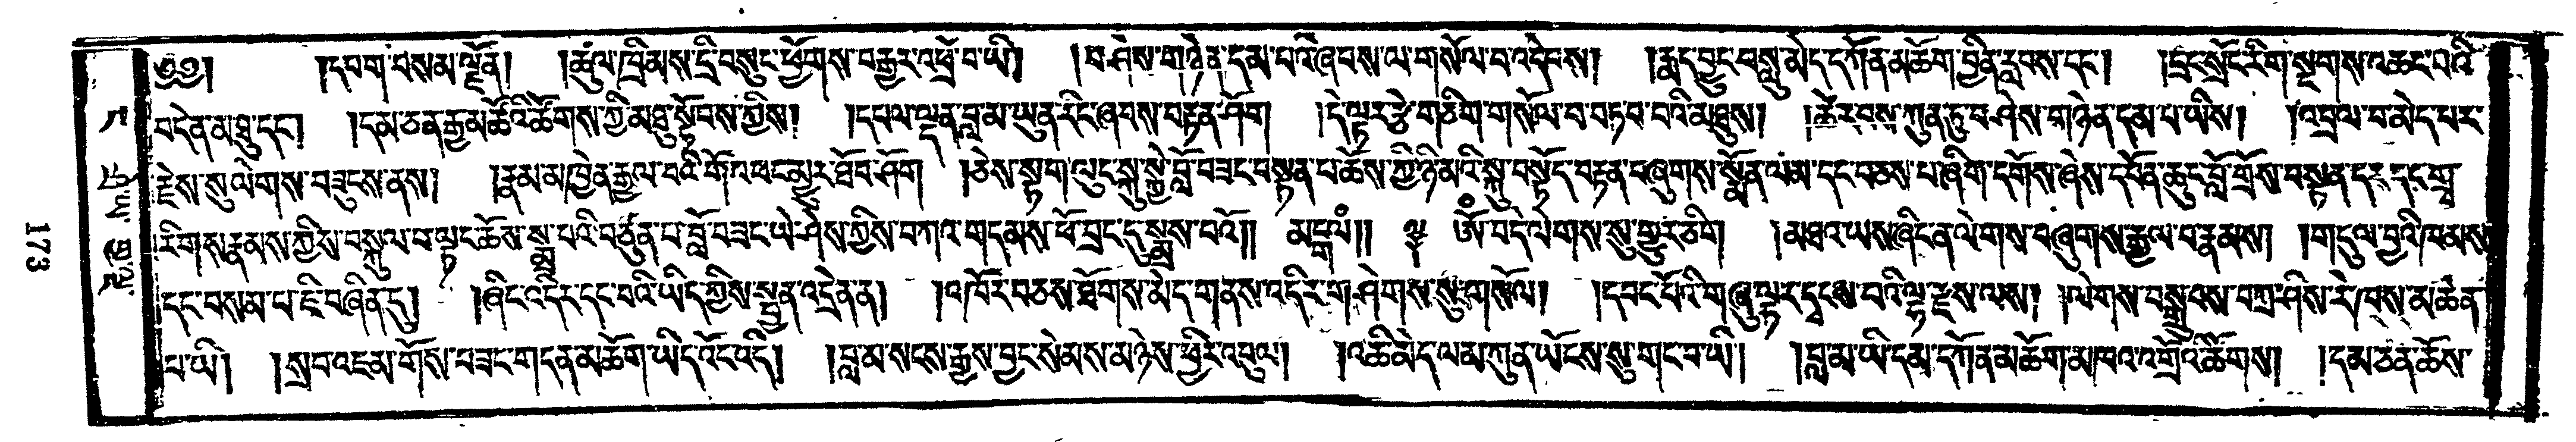༄༅། །དཔག་བསམ་ལྗོན། །ཚུལ་ཁྲིམས་དྲི་བསུང་ཕྱོགས་བརྒྱར་འཕྲོ་བ་ཡི། །བཤེས་གཉེན་དམ་པའི་ཞབས་ལ་གསོལ་བ་འདེབས། །རྨད་བྱུང་བསླུ་མེད་དཀོན་མཆོག་བྱིན་རླབས་དང་། །དྲང་སྲོང་རིག་སྔགས་འཆང་བའི་
བདེན་མཐུ་དང་། །དམ་ཅན་རྒྱ་མཚོའི་ཚོགས་ཀྱི་མཐུ་སྟོབས་ཀྱིས། །དཔལ་ལྡན་བླ་མ་ཡུན་རིང་ཞབས་བརྟན་ཤོག །དེ་ལྟར་རྩེ་གཅིག་གསོལ་བ་བཏབ་བའི་མཐུས། །ཚེ་རབས་ཀུན་ཏུ་བཤེས་གཉེན་དམ་པ་ཡིས། །འབྲལ་བ་མེད་པར་
རྗེས་སུ་ལེགས་བཟུངས་ནས། །རྣམ་མཁྱེན་རྒྱལ་བའི་གོ་འཕང་མྱུར་ཐོབ་ཤོག །ཅེས་སྟག་ལུང་སྐུ་སྐྱེ་བློ་བཟང་བསྟན་པ་ཆོས་ཀྱི་ཉི་མའི་སྐུ་བསྟོད་བརྟན་བཞུགས་སྨོན་ལམ་དང་བཅས་པ་ཞིག་དགོས་ཞེས་དབོན་ཆུང་བློ་གྲོས་བསྟན་དར་དང་གྲྭ་
རིགས་རྣམས་ཀྱིས་བསྐུལ་བ་ལྟང་ཆོས་སྨྲ་བའི་བཙུན་པ་བློ་བཟང་ཡེ་ཤེས་ཀྱིས་བཀའ་གདམས་ཕོ་བྲང་དུ་སྨྲས་པའོ།། མངྒལཾ།། ༈ ཨོཾ་བདེ་ལེགས་སུ་གྱུར་ཅིག །མཐའ་ཡས་ཞིང་ན་ལེགས་བཞུགས་རྒྱལ་བ་རྣམས། །གདུལ་བྱའི་ཁམས་
དང་བསམ་པ་ཇི་བཞིན་དུ། །ཞིང་འདིར་དང་བའི་ཡིད་ཀྱིས་སྤྱན་འདྲེན་ན། །འཁོར་བཅས་ཐོགས་མེད་གནས་འདིར་གཤེགས་སུ་གསོལ། །དབང་པོའི་གཞུ་ལྟར་དྭངས་བའི་ལྷ་རྫས་ལས། །ལེགས་བསྒྲུབས་བཀྲ་ཤིས་རེ་ཁས་མཚན་
པ་ཡི། །སྲབ་འཇམ་གོས་བཟང་གདན་མཆོག་ཡིད་འོང་འདི། །བླ་མ་སངས་རྒྱས་བྱང་སེམས་མཉེས་ཕྱིར་འབུལ། །འཆི་མེད་ལམ་ཀུན་ཡོངས་སུ་གང་བ་ཡི། །བླ་མ་ཡི་དམ་དཀོན་མཆོག་མཁའ་འགྲོའི་ཚོགས། །དམ་ཅན་ཆོས་